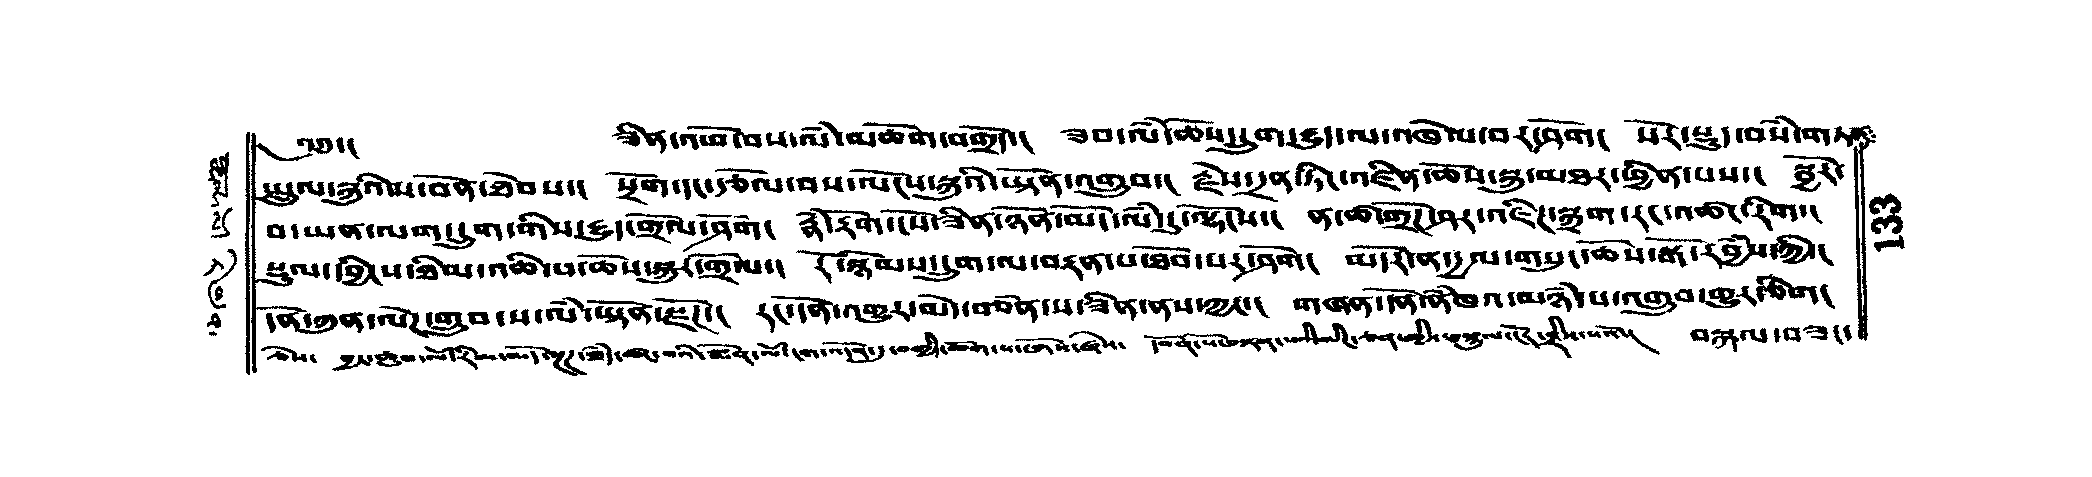ཟིན་འཕོ་བས་ལམ་མཆོག་བགྲོད། །ཟབ་ལམ་ཆོས་དྲུག་རྒྱུད་ལ་འཁེལ་བར་ཤོག །སོར་སྡུད་བསམ་གཏན་
སྤྲུལ་སྐུའི་ས་བོན་ཐེབས། །སྲོག་དང་རྩོལ་བས་ལོངས་སྐུའི་ཡོན་ཏན་འགྲུབ། །རྗེས་དྲན་ཏིང་འཛིན་ཆོས་སྐུ་མཐར་ཕྱིན་པས། །སྦྱོར་
བ་ཡན་ལག་དྲུག་གིས་རྒྱུད་གྲོལ་ཤོག །རྣམ་རྟོག་ངོས་ཟིན་ཉོན་མོངས་ལམ་དུ་ལྷོངས། །ན་ཚ་གྲོགས་ཤར་འཇིགས་སྐྲག་རང་མཚང་རིག །
སྡུག་བསྔལ་དབྱིངས་ཐིམ་འཆི་བ་ཆོས་སྐུར་གྲོལ། །རོ་སྙོམས་དྲུག་ལ་བརྟན་པ་ཐོབ་པར་ཤོག །མདོར་ན་རྒྱལ་གསུུང་ཆོས་སྒོ་རབ་འབྱམས་ཀྱི། །
དོན་ཀུན་ལེགས་གྲུབ་ས་ལམ་ཡོན་ཏན་རྫོགས། །རང་དོན་འགྱུར་མེད་བཙན་ས་ཟིན་ནས་ཀྱང་། །གཞན་དོན་ནམ་མཁའ་མཉམ་པ་འགྲུབ་གྱུར་ཅིག 
ཅེས། བྱང་ཆུབ་ལམ་རིམ་མདོ་སྔགས་ཐམས་ཅད་ཚང་བའི་སྨོན་ལམ་ངག་འདོན་དུ་བགྱིད་ཆོག་པ་དགོས་ཞེས། དབོན་པོ་བསྟན་པའི་མིང་ཅན་གྱིས་བསྐུལ་ངོར་བྲིས་པའོ།། བསྐལ་བཟང་